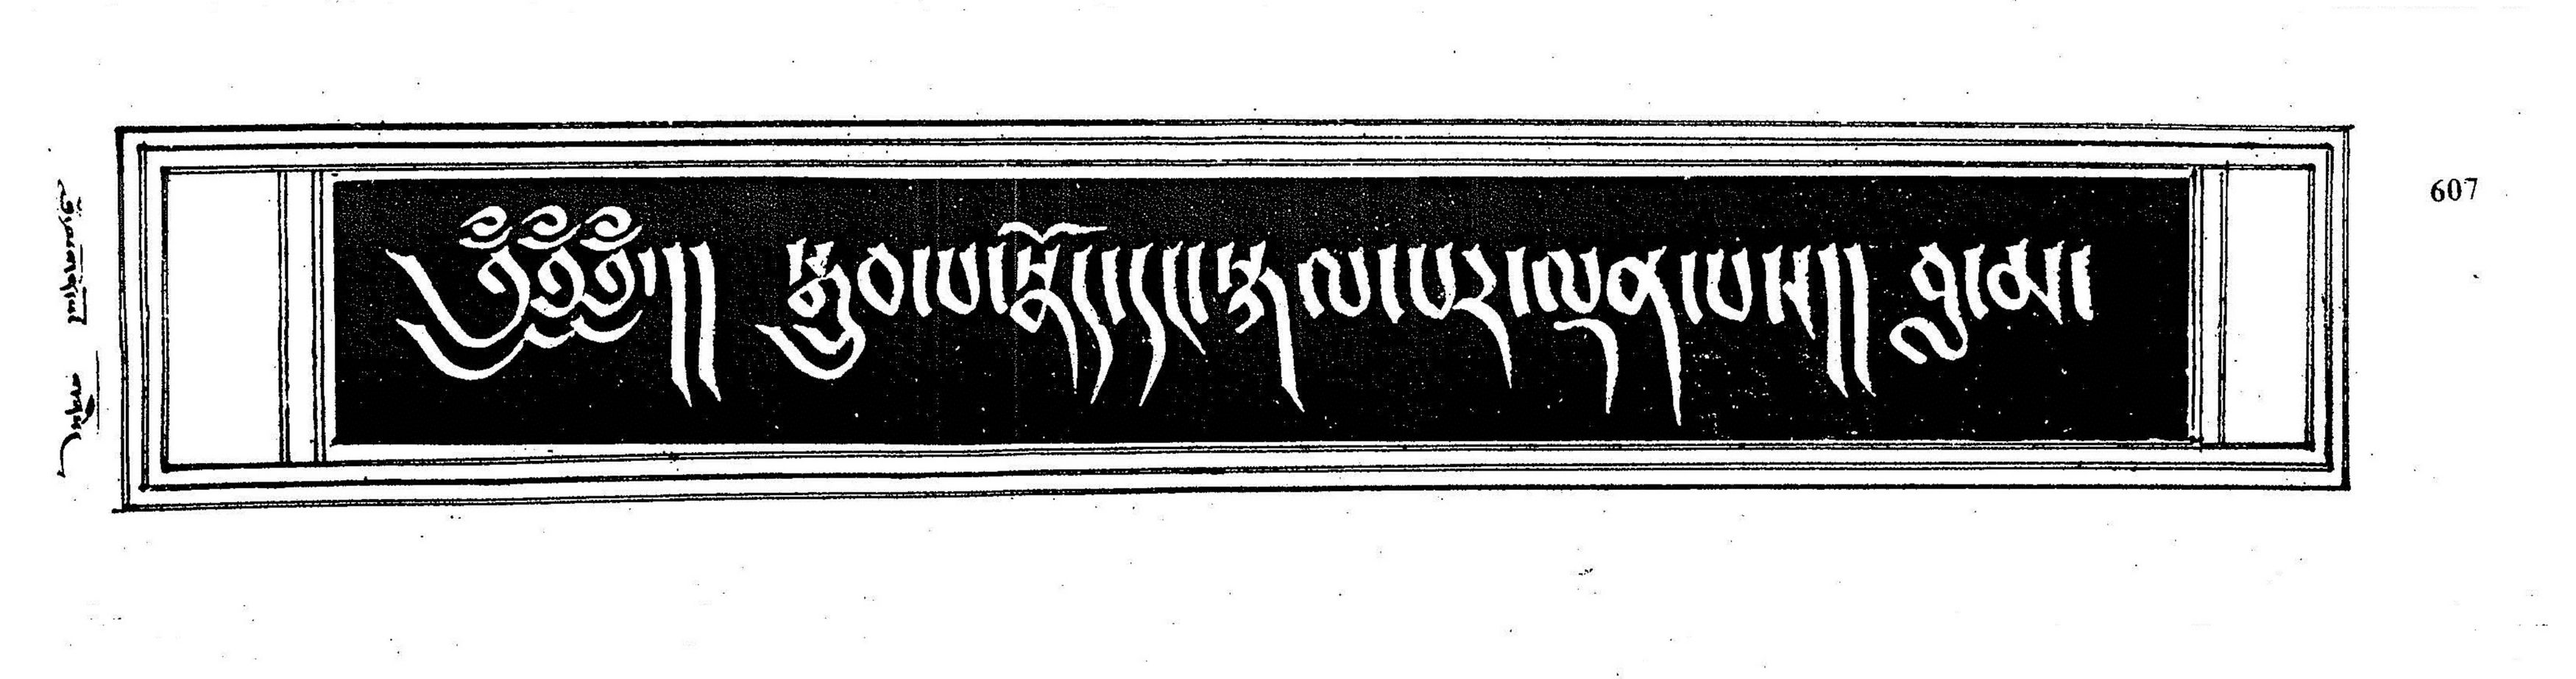༄༅༅།། སྒྲུབ་པ་སྣོད་དང་སྐལ་པར་ལྡན་པས།། བླ་མ་